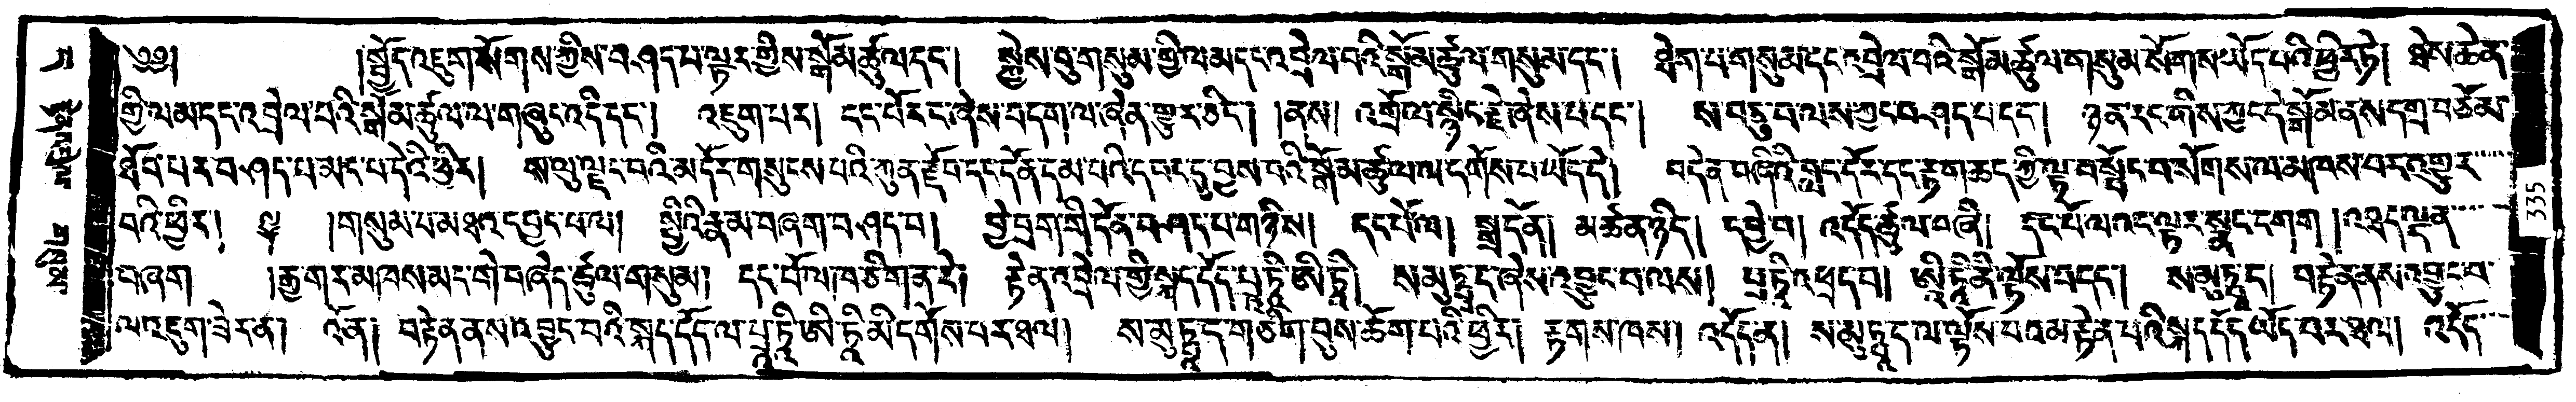༄༅། །སྤྱོད་འཇུག་སོགས་ཀྱིས་བཤད་པ་ལྟར་གྱིས་སྒོམ་ཚུལ་དང་། སྐྱེས་བུ་གསུམ་གྱི་ལམ་དང་འབྲེལ་བའི་སྒོམ་ཚུལ་གསུམ་དང་། ཐེག་པ་གསུམ་དང་འབྲེལ་བའི་སྒོམ་ཚུལ་གསུམ་སོགས་ཡོད་པའི་ཕྱིར་ཏེ། ཐེག་ཆེན་
གྱི་ལམ་དང་འབྲེལ་བའི་སྒོམ་ཚུལ་ལ་གཞུང་འདི་དང་། འཇུག་པར། དང་པོ་རང་ཞེས་བདག་ལ་ཞེན་གྱུར་ཅིང་། །ནས། འགྲོ་ལ་སྙིང་རྗེ་ཞེས་པ་དང་། ས་བཅུ་པ་ལས་ཀྱང་བཤད་པ་དང་། ཉན་རང་གིས་ཀྱང་དེ་སྒོམ་ནས་དགྲ་བཅོམ་
ཐོབ་པར་བཤད་པ་མང་པ་དེའི་ཕྱིར། ས་ལུ་ལྗང་བའི་མདོར་གསུངས་པའི་ཀུན་རྫོབ་དང་དོན་དམ་པའི་དབང་དུ་བྱས་པའི་སྒོམ་ཚུལ་ལ་དགོས་པ་ཡོད་དེ། བདེན་བཞིའི་བླང་དོར་དང་རྟག་ཆད་ཀྱི་ལྟ་བ་སྤོང་བ་སོགས་ལ་མཁས་པར་འགྱུར་
བའི་ཕྱིར། ༈ །གསུམ་པ་མཐའ་དཔྱད་པ་ལ། སྤྱིའི་རྣམ་བཞག་བཤད་པ། བྱེ་བྲག་གི་དོན་བཤད་པ་གཉིས། དང་པོ་ལ། སྒྲ་དོན། མཚན་ཉིད། དབྱེ་བ། འདོད་ཚུལ་བཞི། དང་པོ་ལའང་ལྟར་སྣང་དགག །འཐད་ལྡན་
བཞག །རྒྱ་གར་མཁས་མང་གེ་བཞེད་ཚུལ་གསུམ། དང་པོ་ལ་ཁ་ཅིག་ན་རེ། རྟེན་འབྲེལ་གྱི་སྐད་དོད་པྲཱ་ཏཱི་ཨིཏཱི། སམུཏྤ་ད་ཞེས་འབྱུང་བ་ལས། པྲ་ཏཱི་འཕྲད་པ། ཨཱིཏཱི་ནི་ལྟོས་པ་དང་། སམུཏྤའ་ད། བརྟེན་ནས་འབྱུང་བ་
ལ་འདུག་ཟེར་ན། འོ་ན། བརྟེན་ནས་འབྱུང་བའི་སྐད་དོད་ལ་པྲཱ་ཏཱི་ཨི་ཏཱི་མི་དགོས་པར་ཐལ། ས་མུཏྤཱ་ད་གཅིག་བུས་ཆོག་པའི་ཕྱིར། རྟགས་ཁས། འདོད་ན། ས་མུཏྤཱ་ད་ལ་ལྟོས་པའམ་རྟེན་པའི་སྐད་དོད་ཡོད་པར་ཐལ། འདོད་